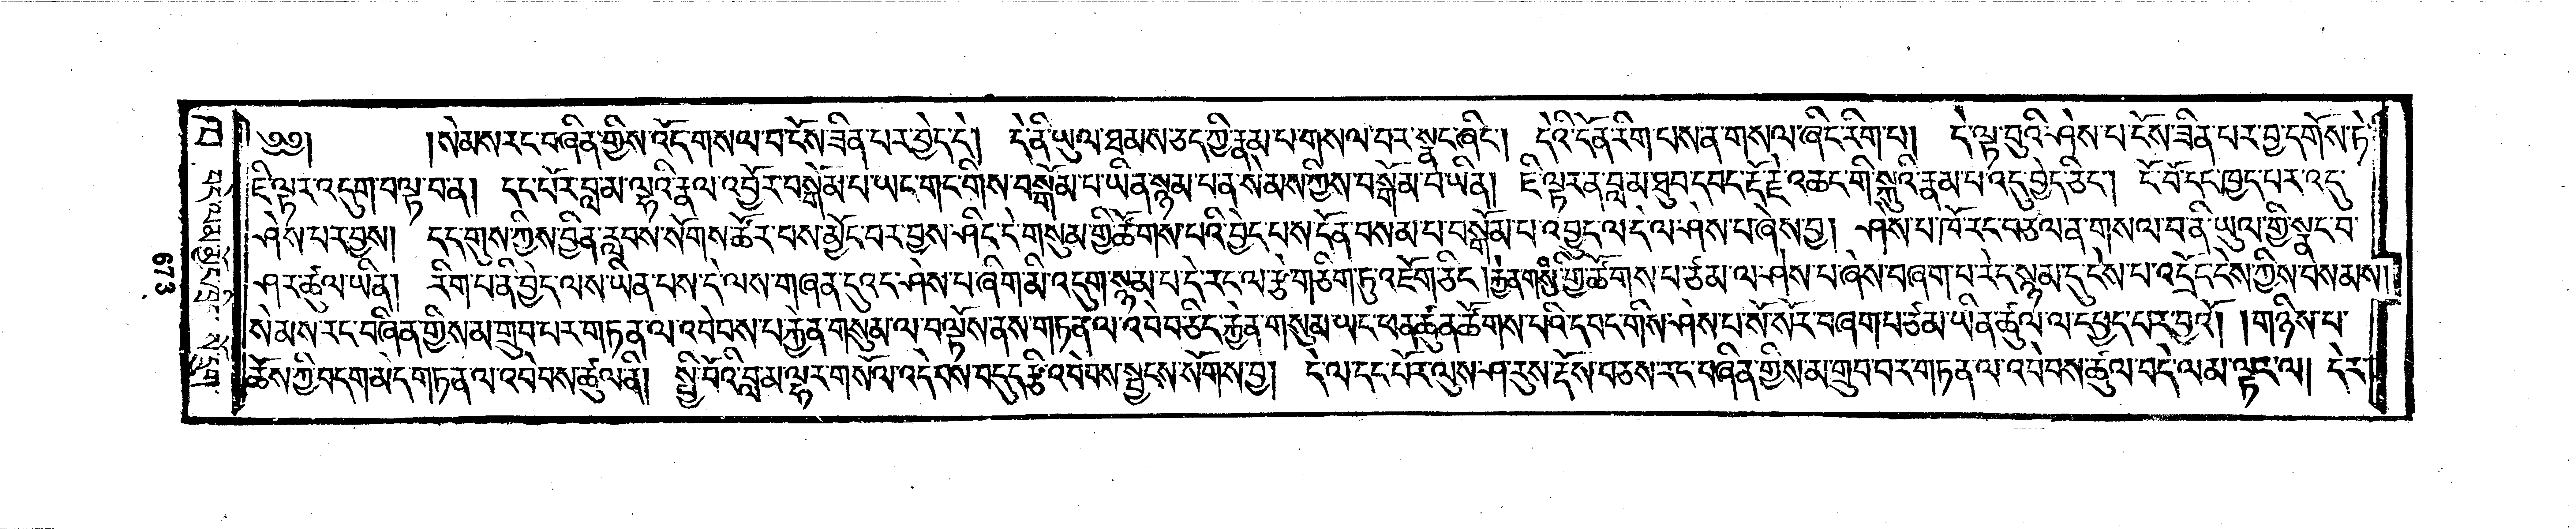༄༅། །སེམས་རང་བཞིན་གྱིས་འོད་གསལ་བ་ངོས་ཟིན་པར་བྱེད་དེ། དེ་ནི་ཡུལ་ཐམས་ཅད་ཀྱི་རྣམ་པ་གསལ་བར་སྣང་ཞིང་། དེའི་དོན་རིག་པས་ན་གསལ་ཞིང་རིག་པ། དེ་ལྟ་བུའི་ཤེས་པ་ངོས་ཟིན་པར་བྱ་དགོས་ཏེ་
ཇི་ལྟར་འདུག་བལྟ་བ་ན། དང་པོར་བླ་མ་ལྷའི་རྣལ་འབྱོར་བསྒོམ་པ་ཡང་གང་གིས་བསྒོམ་པ་ཡིན་སྙམ་པ་ན་སེམས་ཀྱིས་བསྒོམ་པ་ཡིན། ཇི་ལྟར་ན་བླ་མ་ཐུབ་དབང་རྡོ་རྗེ་འཆང་གི་སྐུའི་རྣམ་པ་འདུ་བྱེད་ཅིང་། ངོ་བོ་དང་ཁྱད་པར་འདུ་
ཤེས་པར་བྱས། དད་གུས་ཀྱིས་བྱིན་རླབས་སོགས་ཚོར་བས་མྱོང་བར་བྱས་ཤིང་དེ་གསུམ་གྱི་ཚོགས་པའི་བྱེད་པས་དོན་བསམ་པ་བསྒོམ་པ་འབྱུང་ལ་དེ་ལ་ཤེས་པ་ཞེས་བྱ། ཤེས་པ་ཁོ་རང་བཙལ་ན་གསལ་བ་ནི་ཡུལ་གྱི་སྣང་བ་
ཤར་ཚུལ་ཡིན། རིག་པ་ནི་བྱེད་ལས་ཡིན་པས་དེ་ལས་གཞན་དུའང་ཤེས་པ་ཞིག་མི་འདུག་སྙམ་པ་དེ་རང་ལ་རྩེ་གཅིག་ཏུ་འཇོག་ཅིང་།རྐྱེན་གསུཾ་གྱི་ཚོགས་པ་ཙམ་ལ་ཤེས་པ་ཞེས་བཞག་པ་རེད་སྙམ་དུ་ངེས་པ་འདྲོང་ངེས་ཀྱིས་བསམས།
སེམས་རང་བཞིན་གྱིས་མ་གྲུབ་པར་གཏན་ལ་འབེབས་པ་རྐྱེན་གསུམ་ལ་བལྟོས་ནས་གཏན་ལ་འབེབ་ཅིང་རྐྱེན་གསུམ་ཡང་ཕན་ཚུན་ཚོགས་པའི་དབང་གིས་ཤེས་པ་སོ་སོར་བཞག་པ་ཙམ་ཡིན་ཚུལ་ལ་དཔྱད་པར་བྱའོ། །གཉིས་པ་
ཆོས་ཀྱི་བདག་མེད་གཏན་ལ་འབེབས་ཚུལ་ནི། སྤྱི་བོའི་བླ་མ་ལྷར་གསོལ་འདེབས་བདུད་རྩི་འབེབས་སྦྱངས་སོགས་བྱ། དེ་ལ་དང་པོར་ལུས་ཤ་རུས་རྡོས་བཅས་རང་བཞིན་གྱིས་མ་གྲུབ་བར་གཏན་ལ་འབེབས་ཚུལ་བདེ་ལམ་ལྟར་ལ། དེར་